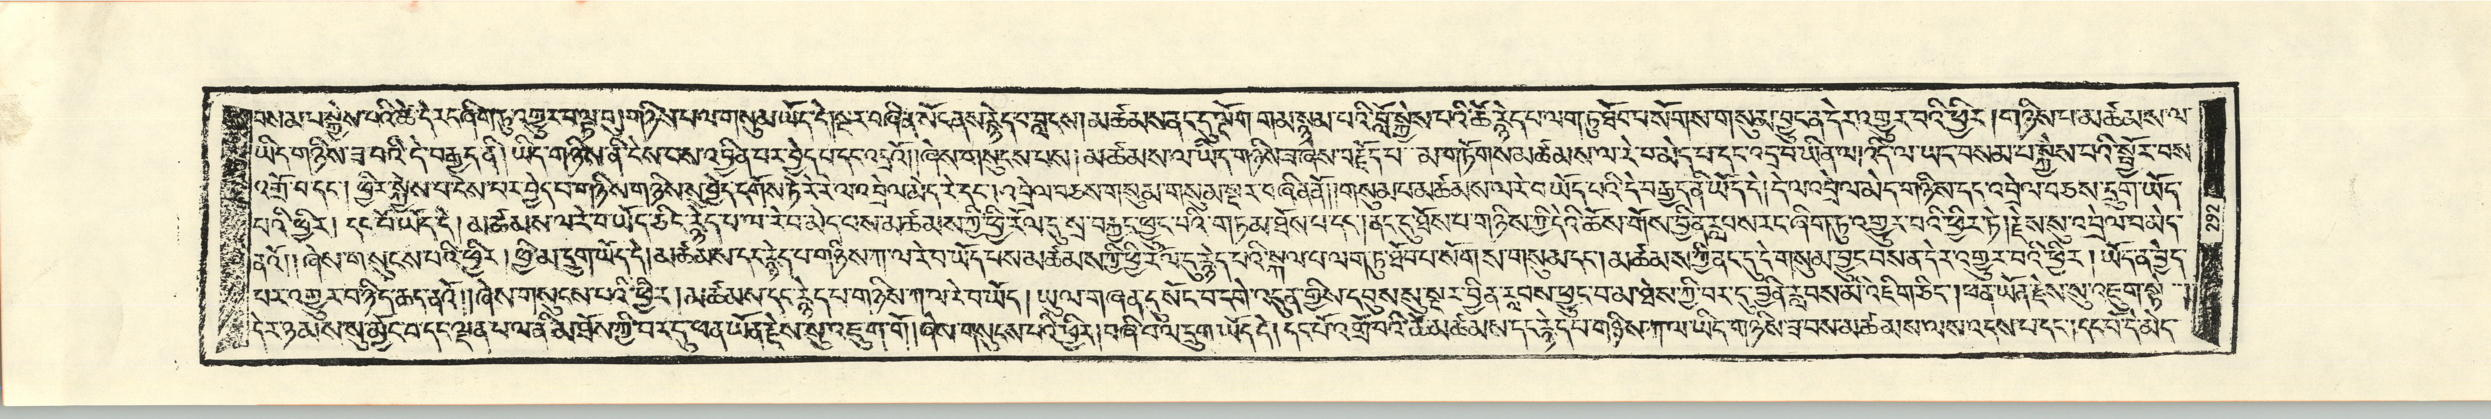བསམ་པ་སྐྱེས་པའི་ཚེ་དེ་རང་ཞིག་ཏུ་འགྱུར་བ་ལྟ་བུ། གཉིས་པ་ལ་གསུམ་ཡོད་དེ། སྔར་བཞིན་སོང་ནས་རྙེད་པ་བླངས། མཚམས་ནང་དུ་ལྡོག་གམ་སྙམ་པའི་བློ་སྐྱེས་པའི་ཚེ་རྙེད་པ་ལག་ཏུ་ཐོབ་པ་སོགས་གསུམ་བྱུང་ན་དེར་འགྱུར་བའི་ཕྱིར། གཉིས་པ་མཚམས་ལ་
ཡིད་གཉིས་ཟ་བའི་དེ་བརྒྱད་ནི། ཡིད་གཉིས་ནི་ངེས་པས་འབྱིན་པར་བྱེད་པ་དང་འདྲའོ། །ཞེས་གསུངས་པས། མཚམས་ལ་ཡིད་གཉིས་ཟ་ཞེས་བརྗོད་པ་མ་གཏོགས་མཚམས་ལ་རེ་བ་མེད་པ་དང་འདྲ་བ་ཡིན་ལ། འདི་ལ་ཡང་བསམ་པ་སྐྱེས་པའི་སྦྱོར་བས་
འགྲོ་བ་དང་། ཕྱིར་སྐྱེས་པ་ངེས་པར་བྱེད་པ་གཉིས་གཉིས་སུ་བྱེད་དགོས་ཏེ་རེ་རེ་ལ་འབྲེལ་མེད་རེ་དང་། འབྲེལ་བཅས་གསུམ་གསུམ་སྔར་བཞིན་ནོ། །གསུམ་པ་མཚམས་ལ་རེ་བ་ཡོད་པའི་དེ་བརྒྱད་ནི་ཡོད་དེ། དེ་ལ་འབྲེལ་མེད་གཉིས་དང་འབྲེལ་བཅས་དྲུག་ཡོད་
བའི་ཕྱིར། དང་པོ་ཡོད་དེ། མཚམས་ལ་རེ་བ་ཡོད་ཅིང་རྙེད་པ་ལ་རེ་བ་མེད་པས་མཚམས་ཀྱི་ཕྱི་རོལ་དུ་སྲ་བརྐྱང་ཕྱུང་བའི་གཏམ་ཐོས་པ་དང་། ནང་དུ་ཐོས་པ་གཉིས་ཀྱི་དེའི་ཆོས་གོས་བྱིན་རླབས་རང་ཞིག་ཏུ་འགྱུར་བའི་ཕྱིར་ཏེ། རྗེས་སུ་འབྲེལ་བ་མེད་
ནའོ། །ཞེས་གསུངས་པའི་ཕྱིར། ཕྱི་མ་དྲུག་ཡོད་དེ། མཚམས་དང་རྙེད་པ་གཉིས་ཀ་ལ་རེ་བ་ཡོད་པས་མཚམས་ཀྱི་ཕྱི་རོལ་དུ་རྙེད་པའི་སྐལ་པ་ལག་ཏུ་ཐོབ་པ་སོགས་གསུམ་དང་། མཚམས་ཀྱི་ནང་དུ་དེ་གསུམ་བྱུང་བས་ན་དེར་འགྱུར་བའི་ཕྱིར། ཡོད་ན་བྱེད་
པར་འགྱུར་བ་ཉིད་ཆད་ནའོ། །ཞེས་གསུངས་པའི་ཕྱིར། མཚམས་དང་རྙེད་པ་གཉིས་ཀ་ལ་རེ་བ་ཡོད། ཡུལ་གཞན་དུ་སོང་བ་དགེ་འདུན་གྱིས་དབུས་སུ་སྔར་བྱིན་རླབས་ཕྱུང་བ་མ་ཐེས་ཀྱི་བར་དུ་བྱིན་རླབས་མི་འཇིག་ཅིང་། ཕན་ཡོན་རྗེས་སུ་འཇུག་སྟེ།
དེར་ཉམས་སུ་མྱོང་བ་དང་ལྡན་པ་ལ་ནི་མ་ཐོས་ཀྱི་བར་དུ་ཕན་ཡོན་རྗེས་སུ་འཇོག་གོ །ཞེས་གསུངས་པའི་ཕྱིར། བཞི་བ་ལ་དྲུག་ཡོད་དེ། དང་པོ་འགྲོ་བའི་ཚེ་མཚམས་དང་རྙེད་པ་གཉིས་ཀ་ལ་ཡིད་གཉིས་ཟ་བས་མཚམས་ལས་འདས་པ་དང་། དང་པོ་དེ་མེད་